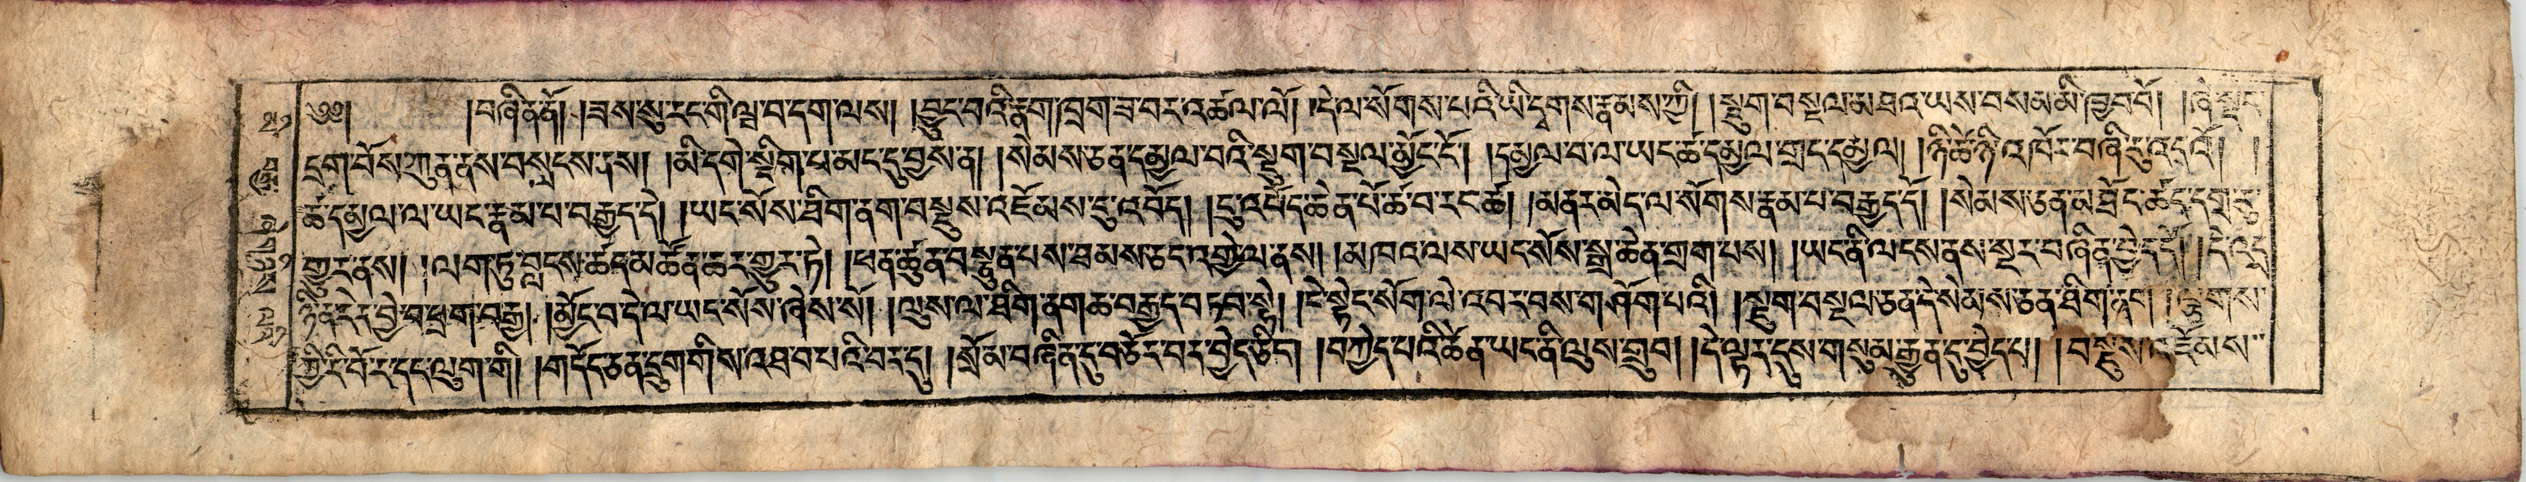བཞིན་ནོ། །ཟས་སུ་རང་གི་ལྦ་བ་དག་ལས། །བྱུང་བའི་དུག་ཁྲག་ཟ་བར་འཚལ་ལོ། དེ་ལ་སོགས་པའི་ཡི་དྭགས་རྣམས་ཀྱི། །སྡུག་བསྔལ་མཐའ་ཡས་བསམ་མི་ཁྱབ་བོ། །ཞེ་སྡང་
དྲག་བོས་ཀུན་ནས་བསླངས་ནས། །མི་དགེ་སྡིག་པ་མང་དུ་བྱས་ན། །སེམས་ཅན་དམྱལ་བའི་སྡུག་བསྔལ་མྱོང་ངོ་། །དམྱལ་བ་ལ་ཡང་ཚ་དམྱལ་གྲང་དམྱལ། །ཉི་ཚེ་ཉི་འཁོར་བཞི་རུ་འདའ་འོ། །
ཚ་དམྱལ་ལ་ཡང་རྣམ་པ་བརྒྱད་དེ། །ཡང་སོས་ཐིག་ནག་བསྡུས་འཇོམས་ངུ་འབོད། །ངུ་འབོད་ཆེན་པོ་ཚ་བ་རབ་ཚ། །མནར་མེད་ལ་སོགས་རྣམ་པ་བརྒྱད་དོ། །སེམས་ཅན་མཐོང་ཚད་དགྲ་རུ་
གྱུར་ནས། །ལག་ཏུ་བྲངས་ཚང་མཚོན་ཆར་གྱུར་ཏེ། །ཕན་ཚུན་བསྣུན་པས་ཐམས་ཅང་འགྱེ་ལ་ནས། །མཁའ་ལས་ཡང་སོས་སྒྲ་ཆེན་གྲག་པས། །ཡང་ནི་ལངས་ནས་སྔར་བཞིན་བྱེད་དེ། །དེ་འདྲ་
ཉི་མ་རེར་བྱེ་བ་ཕྲག་བརྒྱ། །མྱོང་བ་དེ་ལ་ཡང་སོས་ཞེས་སོ། །ལུས་ལ་ཐིག་ནག་ཆ་བརྒྱད་བཏབ་སྟེ། །དེ་སྟེང་སོག་ལེ་འབར་བས་གཤོག་པའི། །སྡུག་བསྔལ་ཅན་དེ་སེམས་ཅན་ཐིག་ནང་། །ལྩགས་
ཀྱི་རི་བོ་ར་དང་ལུག་གི། །གདོང་ཅན་དྲུག་གིས་འཐབ་པའི་བར་དུ། །སྲོ་མ་བཞིན་དུ་བཅོར་བར་བྱེད་ཅིང་། །བཀྱེད་པའི་ཚིན་ཡང་ནི་ལུས་གྲུབ། །དེ་ལྟར་དུས་གསུམ་རྒྱན་དུ་བྱེད་པ། །བསྡུས་འཇོམས་